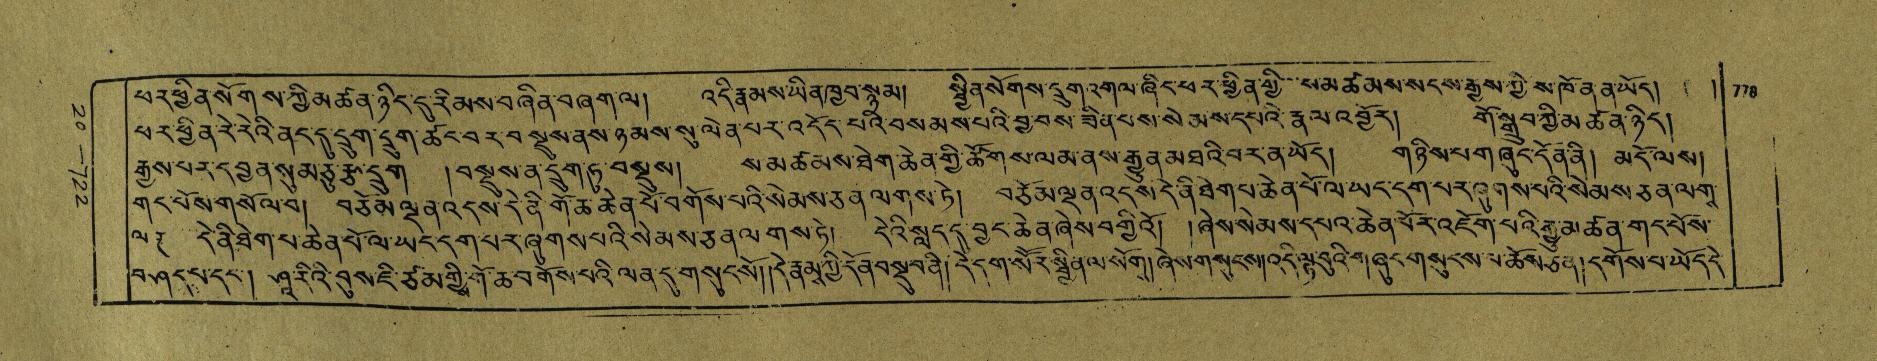ཕར་ཕྱིན་སོགས་ཀྱི་མཚན་ཉིད་དུ་རིམས་བཞིན་བཞག་ལ། འདི་རྣམས་ཡིན་ཁྱབ་སྙམ། སྦྱིན་སོགས་དྲུག་འགལ་ཞིང་ཕར་ཕྱིན་གྱི་ས་མཚམས་སངས་རྒྱས་ཀྱི་ས་ཁོ་ན་ན་ཡོད། །
ཕར་ཕྱིན་རེ་རེའི་ནང་དུ་དྲུག་དྲུག་ཚང་བར་བསྡུས་ནས་ཉམས་སུ་ལེན་པར་འདོད་པའི་བསམས་པའི་བྱ་བས་ཟིན་པས་སེམས་དཔའི་རྣལ་འབྱོར། གོ་སྒྲུབ་ཀྱི་མཚན་ཉིད།
རྒྱས་པར་དབྱན་སུམ་ཅུ་རྩ་དྲུག །བསྡུས་ན་དྲུག་ཏུ་བསྡུས། ས་མཚམས་ཐེག་ཆེན་གྱི་ཚོགས་ལམ་ནས་རྒྱུན་མཐའི་བར་ན་ཡོད། གཉིས་པ་གཞུང་དོན་ནི། མདོ་ལས།
གང་པོས་གསོལ་བ། བཅོམ་ལྡན་འདས་དེ་ནི་གོ་ཆ་ཆེན་པོ་བགོས་པའི་སེམས་ཅན་ལགས་ཏེ། བཅོམ་ལྡན་འདས་དེ་ནི་ཐེག་པ་ཆེན་པོ་ལ་ཡང་དག་པར་ཞུགས་པའི་སེམས་ཅན་ལགས་
ལ༑ དེ་ནི་ཐེག་པ་ཆེན་པོ་ལ་ཡང་དག་པར་ཞུགས་པའི་སེམས་ཅན་ལགས་ཏེ། དེའི་སླད་དུ་བྱང་ཆེན་ཞེས་བགྱིའོ། །ཞེས་སེམས་དཔའ་ཆེན་པོར་འཇོག་པའི་རྒྱུ་མཚན་གང་པོས་
བཤད་པ་དང་། ཤཱ་རིའི་བུས་ཇི་ཙམ་གྱིས་གོ་ཆ་བགོས་པའི་ལན་རྡུ་གསུངྶོ། །དེ་རྣམས་ཀྱི་དོན་བསྡུ་བ་ནི། དེ་དག་སཽར་སྦྱིན་ལ་སོགས། ཞེས་གསུངས། འདི་ལྟའི་གཞུང་གསུངས་པ་ཆོས་ཅན་དགོས་པ་ཡོད་དེ་